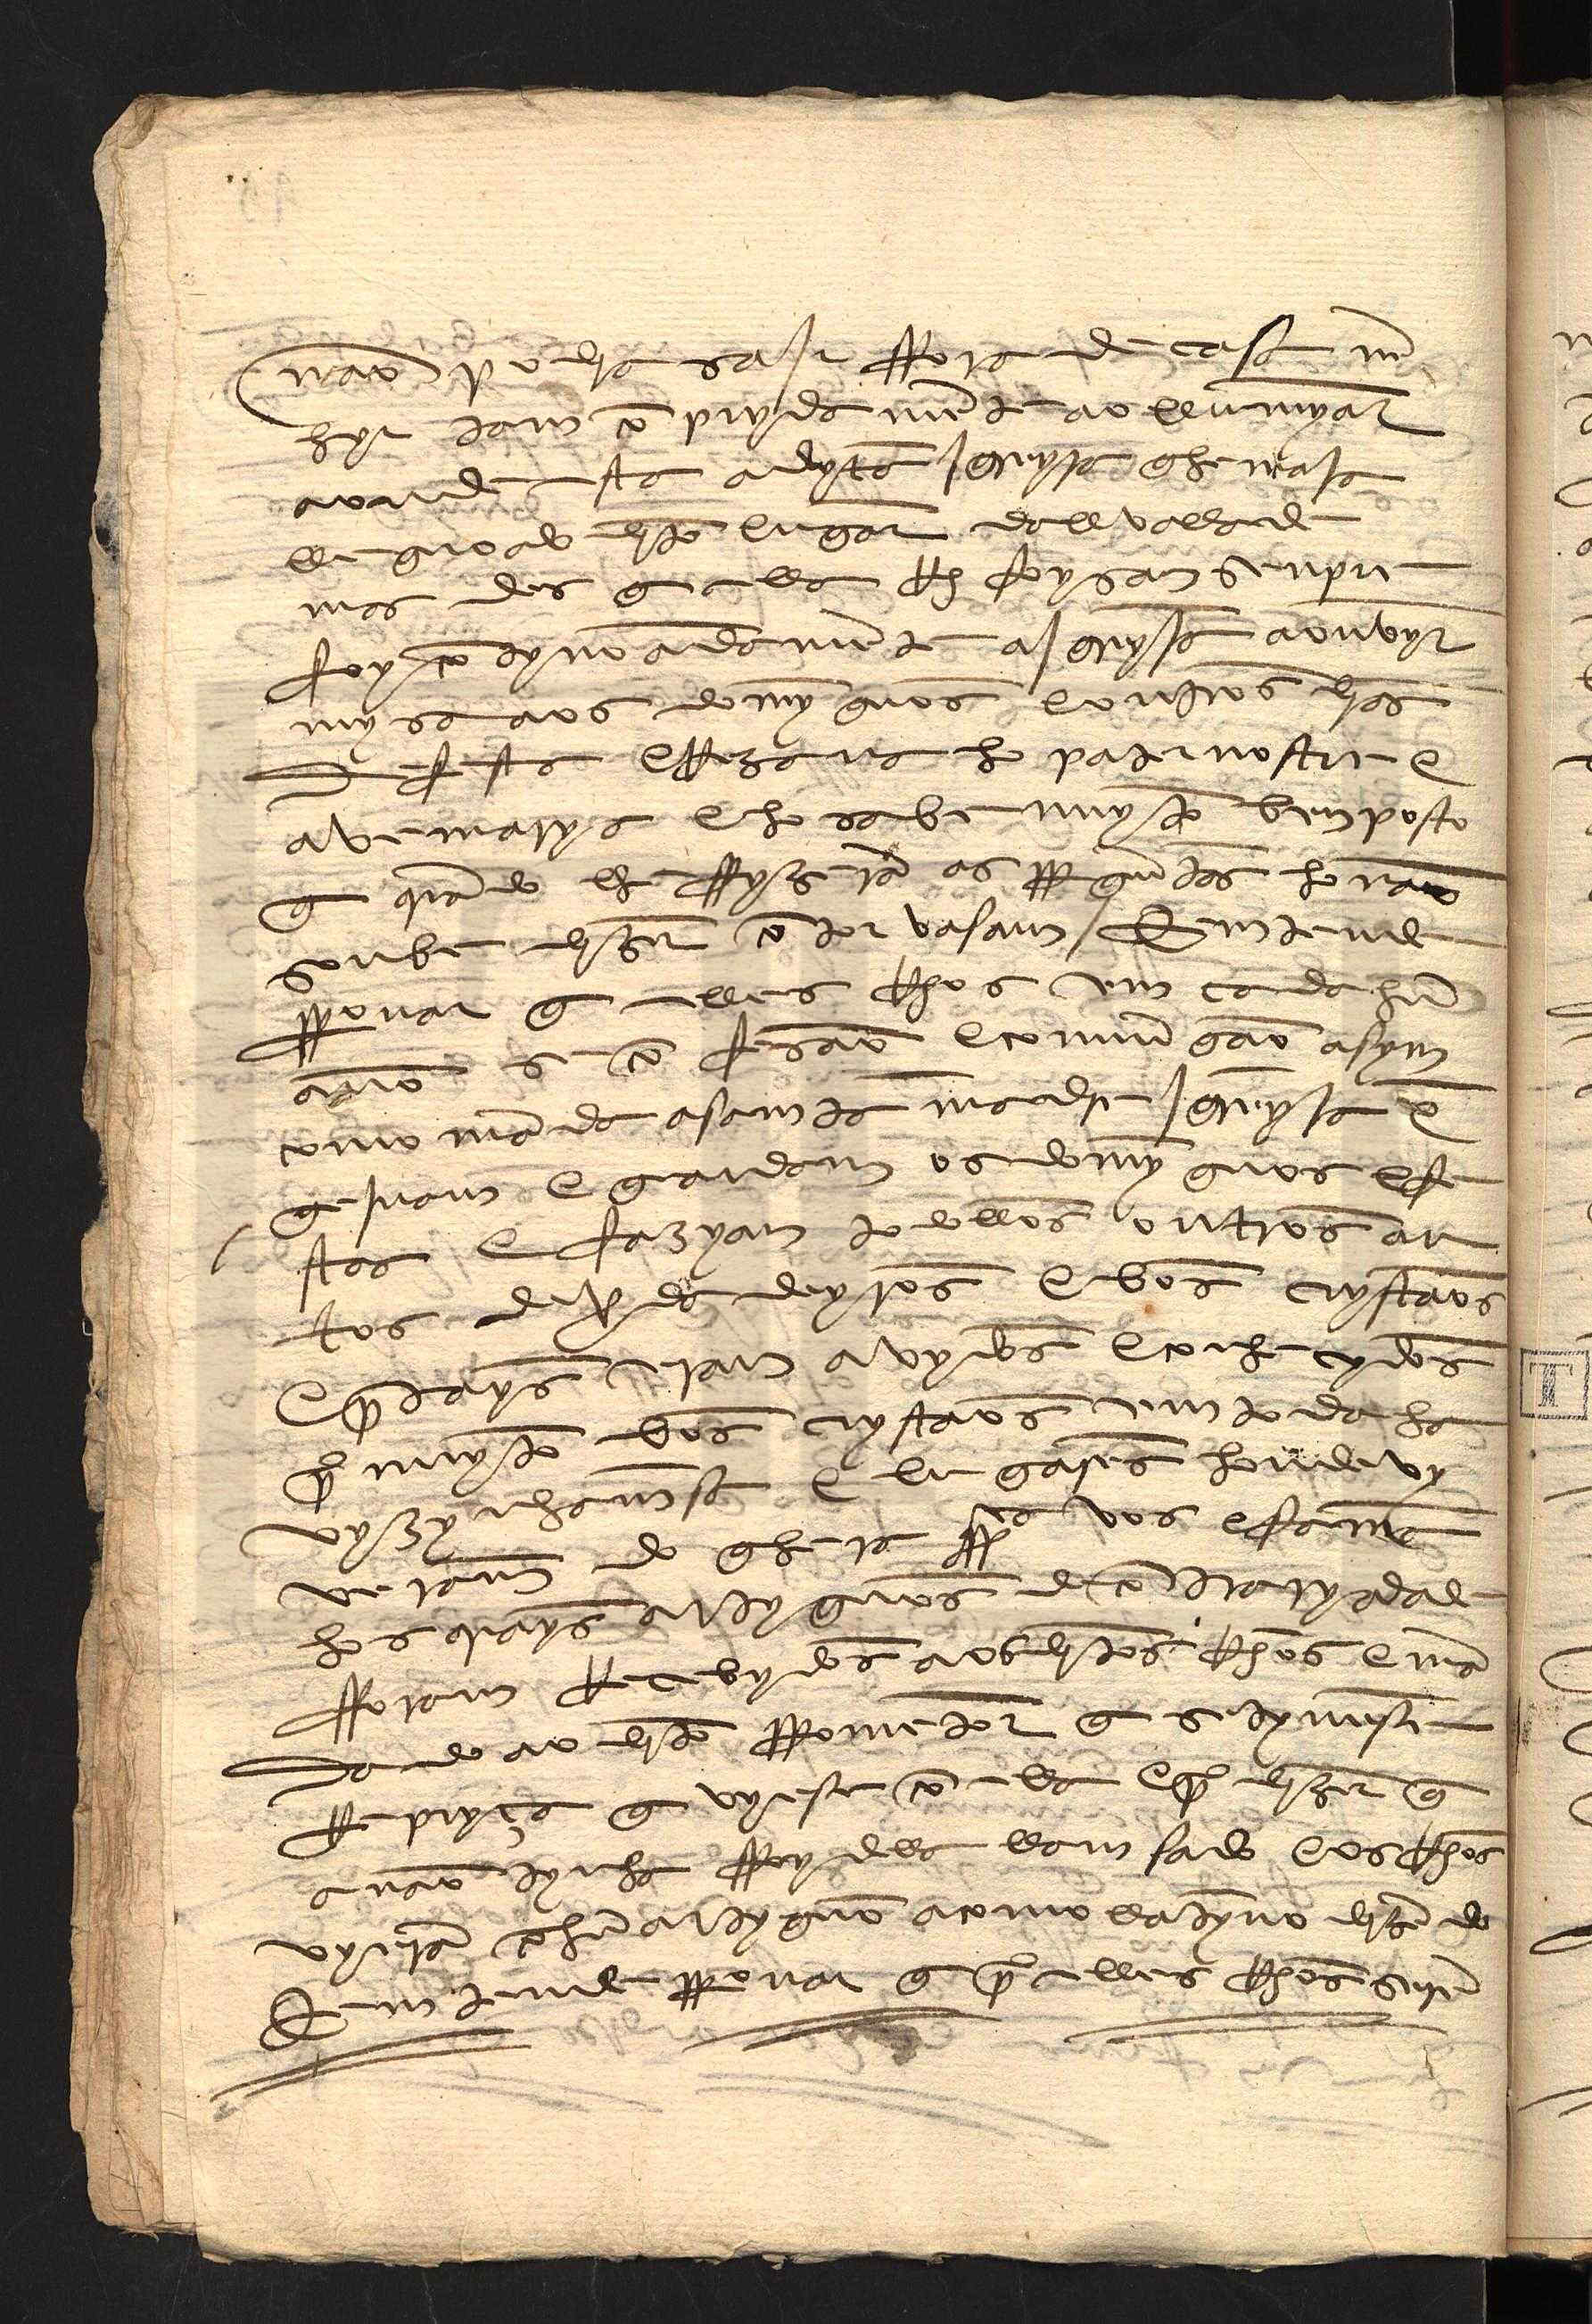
não podja saJr ffora de casa nē
hyr tam cōprydamēte ao llumyar
aonde esta a dyta Jgreyja q̄ he maJa
lleguoa do djto lugar dallvallade
mas des q̄ ella Rꝭ foy sam senpre
foy c̄otynoadamēte a JgreyJa a ouvyr
mysa aos dom̄yguos e outros djas
de festa e Rezaua ho pater nostre e
ave marya e ho sabe muyto bem posto
q̄ quādo lhe ffyzerā as ꝑꝑgūtas ho não
soube djzer c̄o torvasam / E emtende
ꝓꝓouar q̄ elles Rꝭos em cada hū
āno se c̄ofesão e comūgão asym
como māda a samta madre JgreyJa e
geJuam e guardam os dom̄yguos e fe
stas e fazyam todollos outros au
tos de ꝟdadeyros e bōs crystãos
e p̄ tays eram avydos e conhecydos
p̄o muyto bōs crystãos em toda ha
vyzynhamsa e lugares honde vy
veram do q̄ hera ꝓpca vos e fama
hos quays artyguos de c̄otraryadade
fforam Recebydos aos djtos Rꝭos e mā
dado ao djto ꝓꝓmetor q̄ se tyuese
Repryça q̄ vyese c̄o ella e p̄o djzer q̄
a não tynha ffoy della llamsado e os Rꝭos
vyerā cō hū artyguo acomollatyuo djzēdo
E emtende ꝓꝓouar q̄ p̄o elles Rꝭos serē
